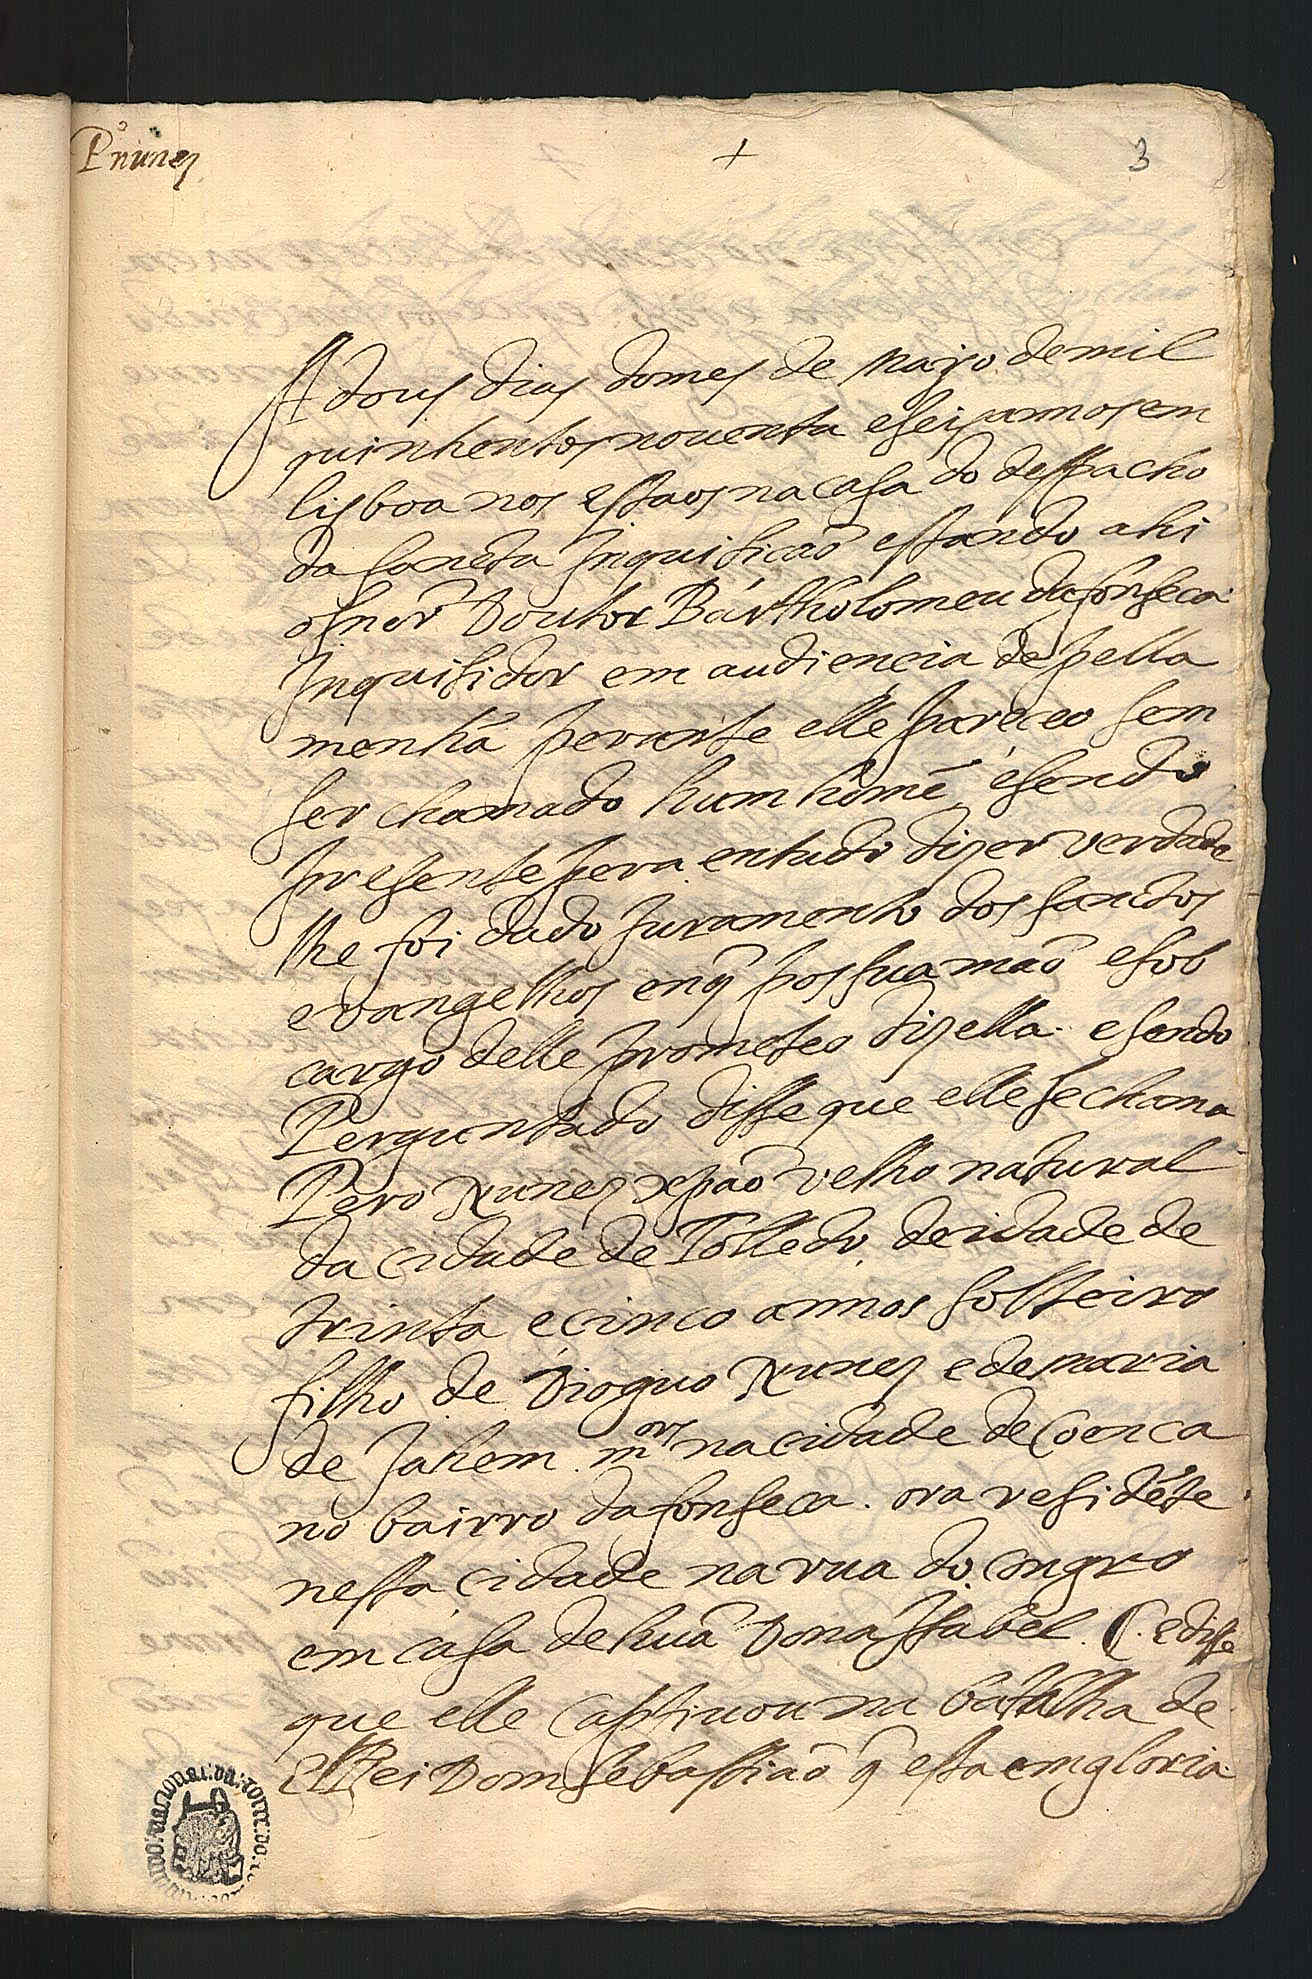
Po nunez
A dous dias do mes de mayo de mil
quinhentos nouenta e seis annos em
lisboa nos Estaos na casa do despacho
da sancta Jnquisiçaõ estando ahi
o snor̄ Doutor Bartholomeu da fonseca
Jnquisidor em audiencia de pella
menhā perante elle pareceo sem
ser chamado hum homē e sendo
presente pera en tudo dizer verdade
lhe foi dado Juramento dos sanctos
evangelhos en q̄ pos sua maõ e sob
cargo delle prometeo dizella. e sendo
Perguntado disse que elle se chama
Pero Nunez xpaõ velho natural
da cidade de Tolledo, de idade de
trinta e cinco annos solteiro
filho de Dioguo Nunez e de maria
de Jahem mors na cidade de Coenca
no bairro da fonseca. ora residēte
nesta cidade na rua do congro
em casa de huā Dona Jsabel ⁋ E disse
que elle captiuou na batalha de
El Rei Dom Sebastiaõ q̄ esta em gloria
